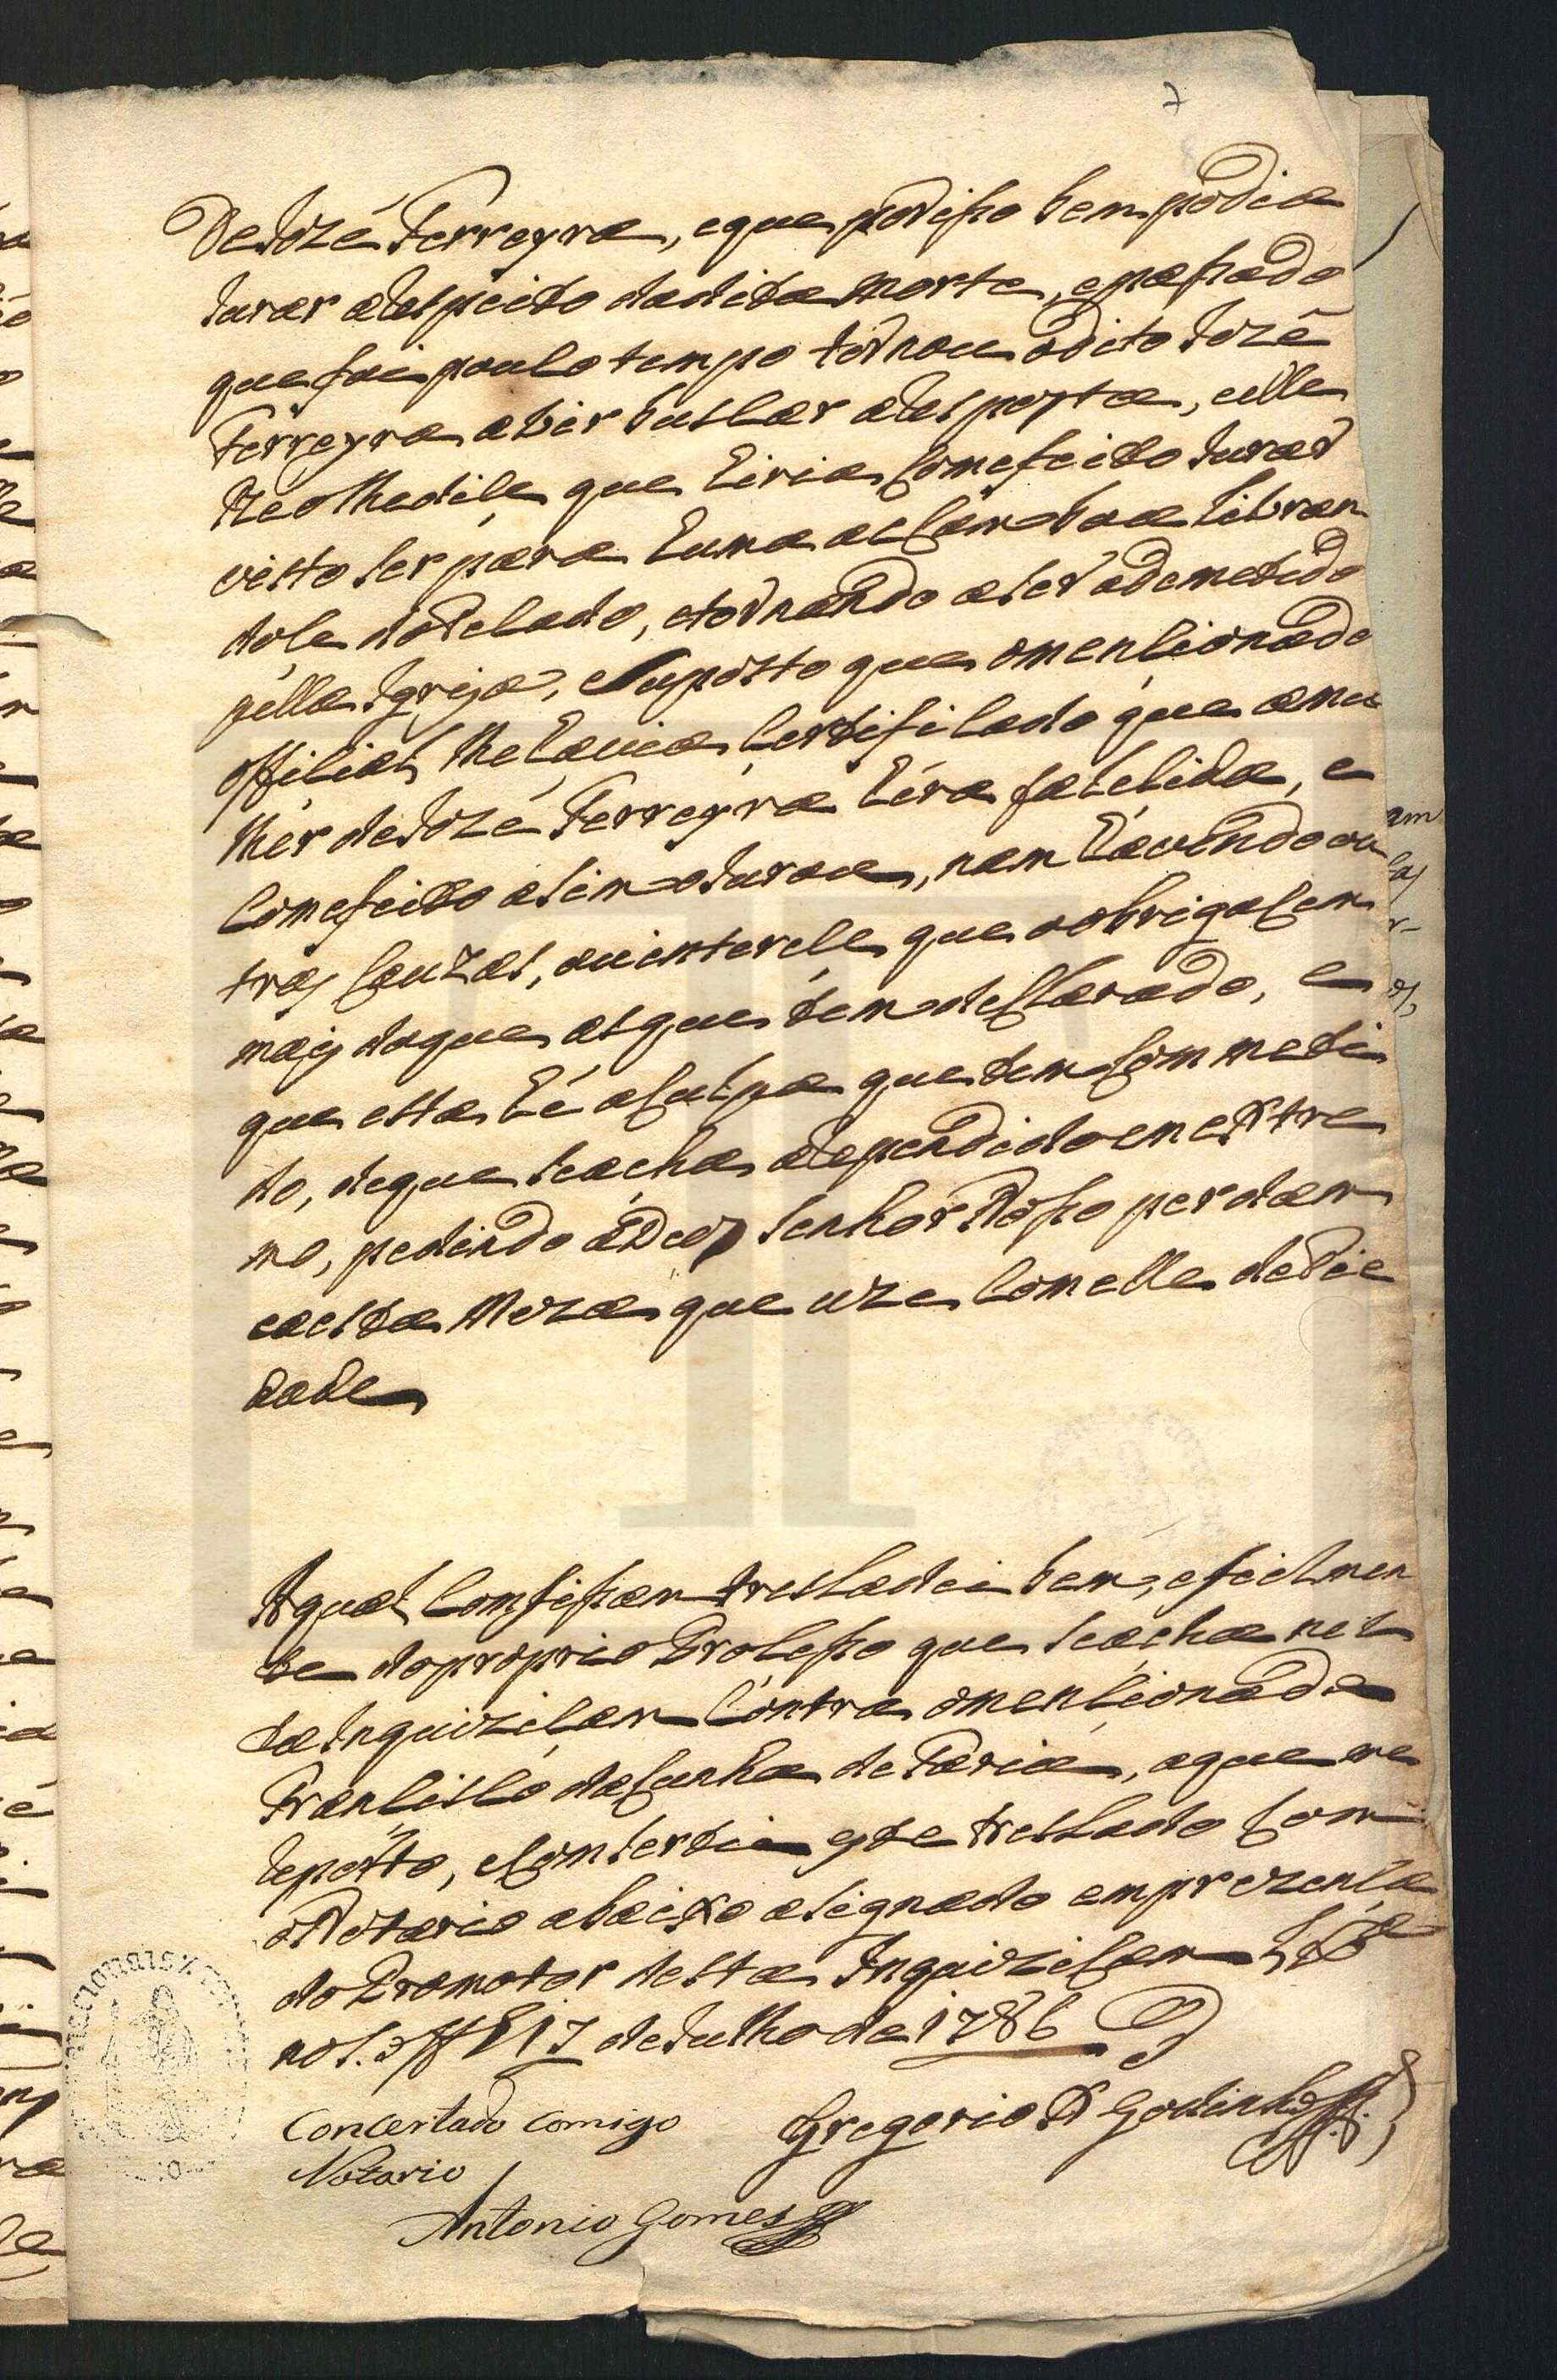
De Iozé Ferreyra, e que por isso bem podia
Iurar a Respeito da dita morte, e passado
que foi pouCo tempo tornou o dito Iozê
Ferreyra a vir busCar a Resposta, e elle
Réo lhe diÇe que hiria Com efeito Iurar
visto ser para huma acCam boa Livran
doÇe do PeCado, e tornando a ser ademetido
pella Igreja, Suposto que o menÇionado
offiÇial lhe havia ÇertifiCado que a mu
lher de Iozé Ferreyra héra faleÇida, e
Com efeito asim o Iurou, nam havendo ou
tras Couzas, ou intereÇe que o obrigaCem
mais do que as que tem deClarado, e
que esta hé a Culpa que tem Commeti
do, de que se açha aRependido em extre
mo, pedindo a Deos senhor Nosso perdam
e a esta Meza que uze Com elle de Pie
dade
A qual Comfissam tresladei bem, e fielmen
te do proprio ProÇesso que se açha nes
ta InquiziÇam Contra o menÇionado
FranÇisCo da Cunha de Faria, a que me
Reporto, e Comsertie este treslado Com
o Notario abaixo asignado em prezença
do Promotor desta InquiziCam Lx.a
no s. off.o i7 de Iulho de i786 ā
concertado comigo Gregorio X Godinho
Notario
Antonio Gomes
